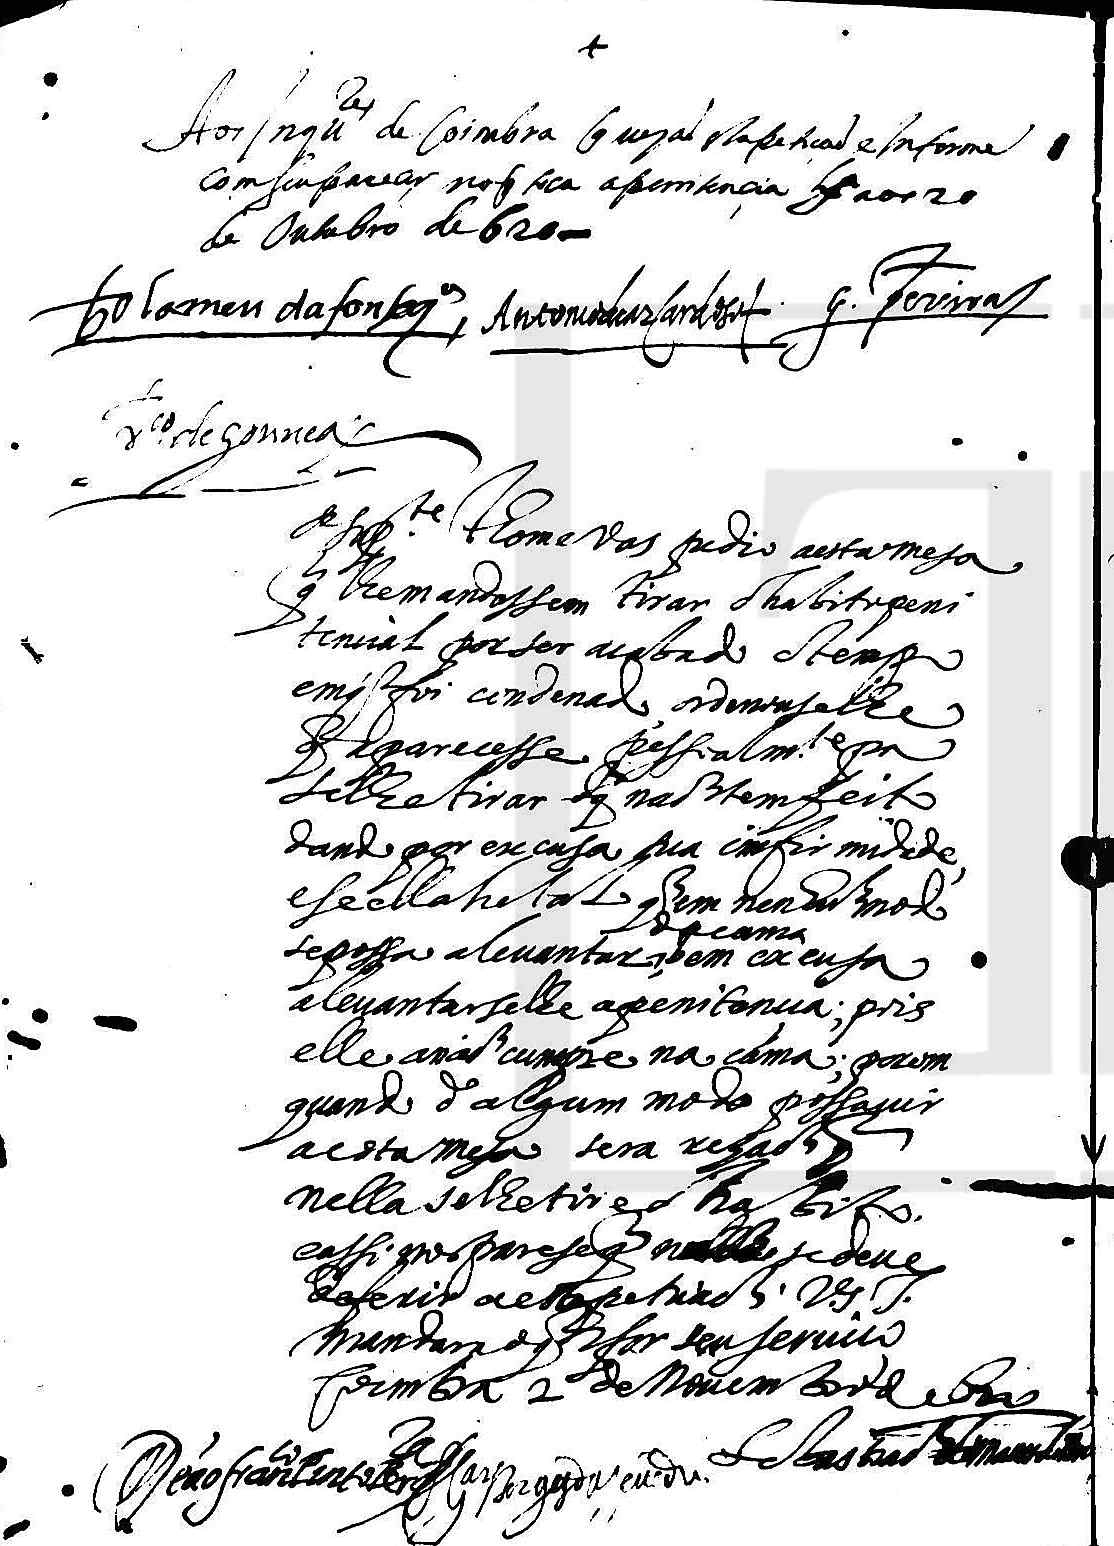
4
Aos Inqu.res de Coimbra q̄ usaõ esta petiçaõ e Informe
com seu pareçer no q̄ toca a penitençia Lx.a aos 20
de Outubro de 620-
b̄olameu da fonseq.a
Antonio Diaz Cardoso
G. Pereira
v.co de Gouuea
O Sup.te thome vaz pedio a esta mesa
q̄ lhe mandassem tirar o habito peni
tencial por ser acabado o tempo
em q̄ foi condenado, ordenouselhe
q̄ aparecesse pessoalm.te p.a
se lhe tirar o q̄ naõ tem feito
dando por excusa sua imfirmidade,
e se ella he tal q̄ em nenhū modo
se possa aleuantar
da cama
bem excusa
aleuantar se lhe a penitençia; pois
elle a naõ cumpre na cama; porem
quando de algum modo possa uir
a esta mesa sera rezaõ q̄
nella se lhe tire o habito.
e assi nos parese q̄ naõ se deve
deferir a esta petiçaõ .V. S. I.
mandara o q̄ for seu seruiço
Coimbra 2 de Novembro de 620
